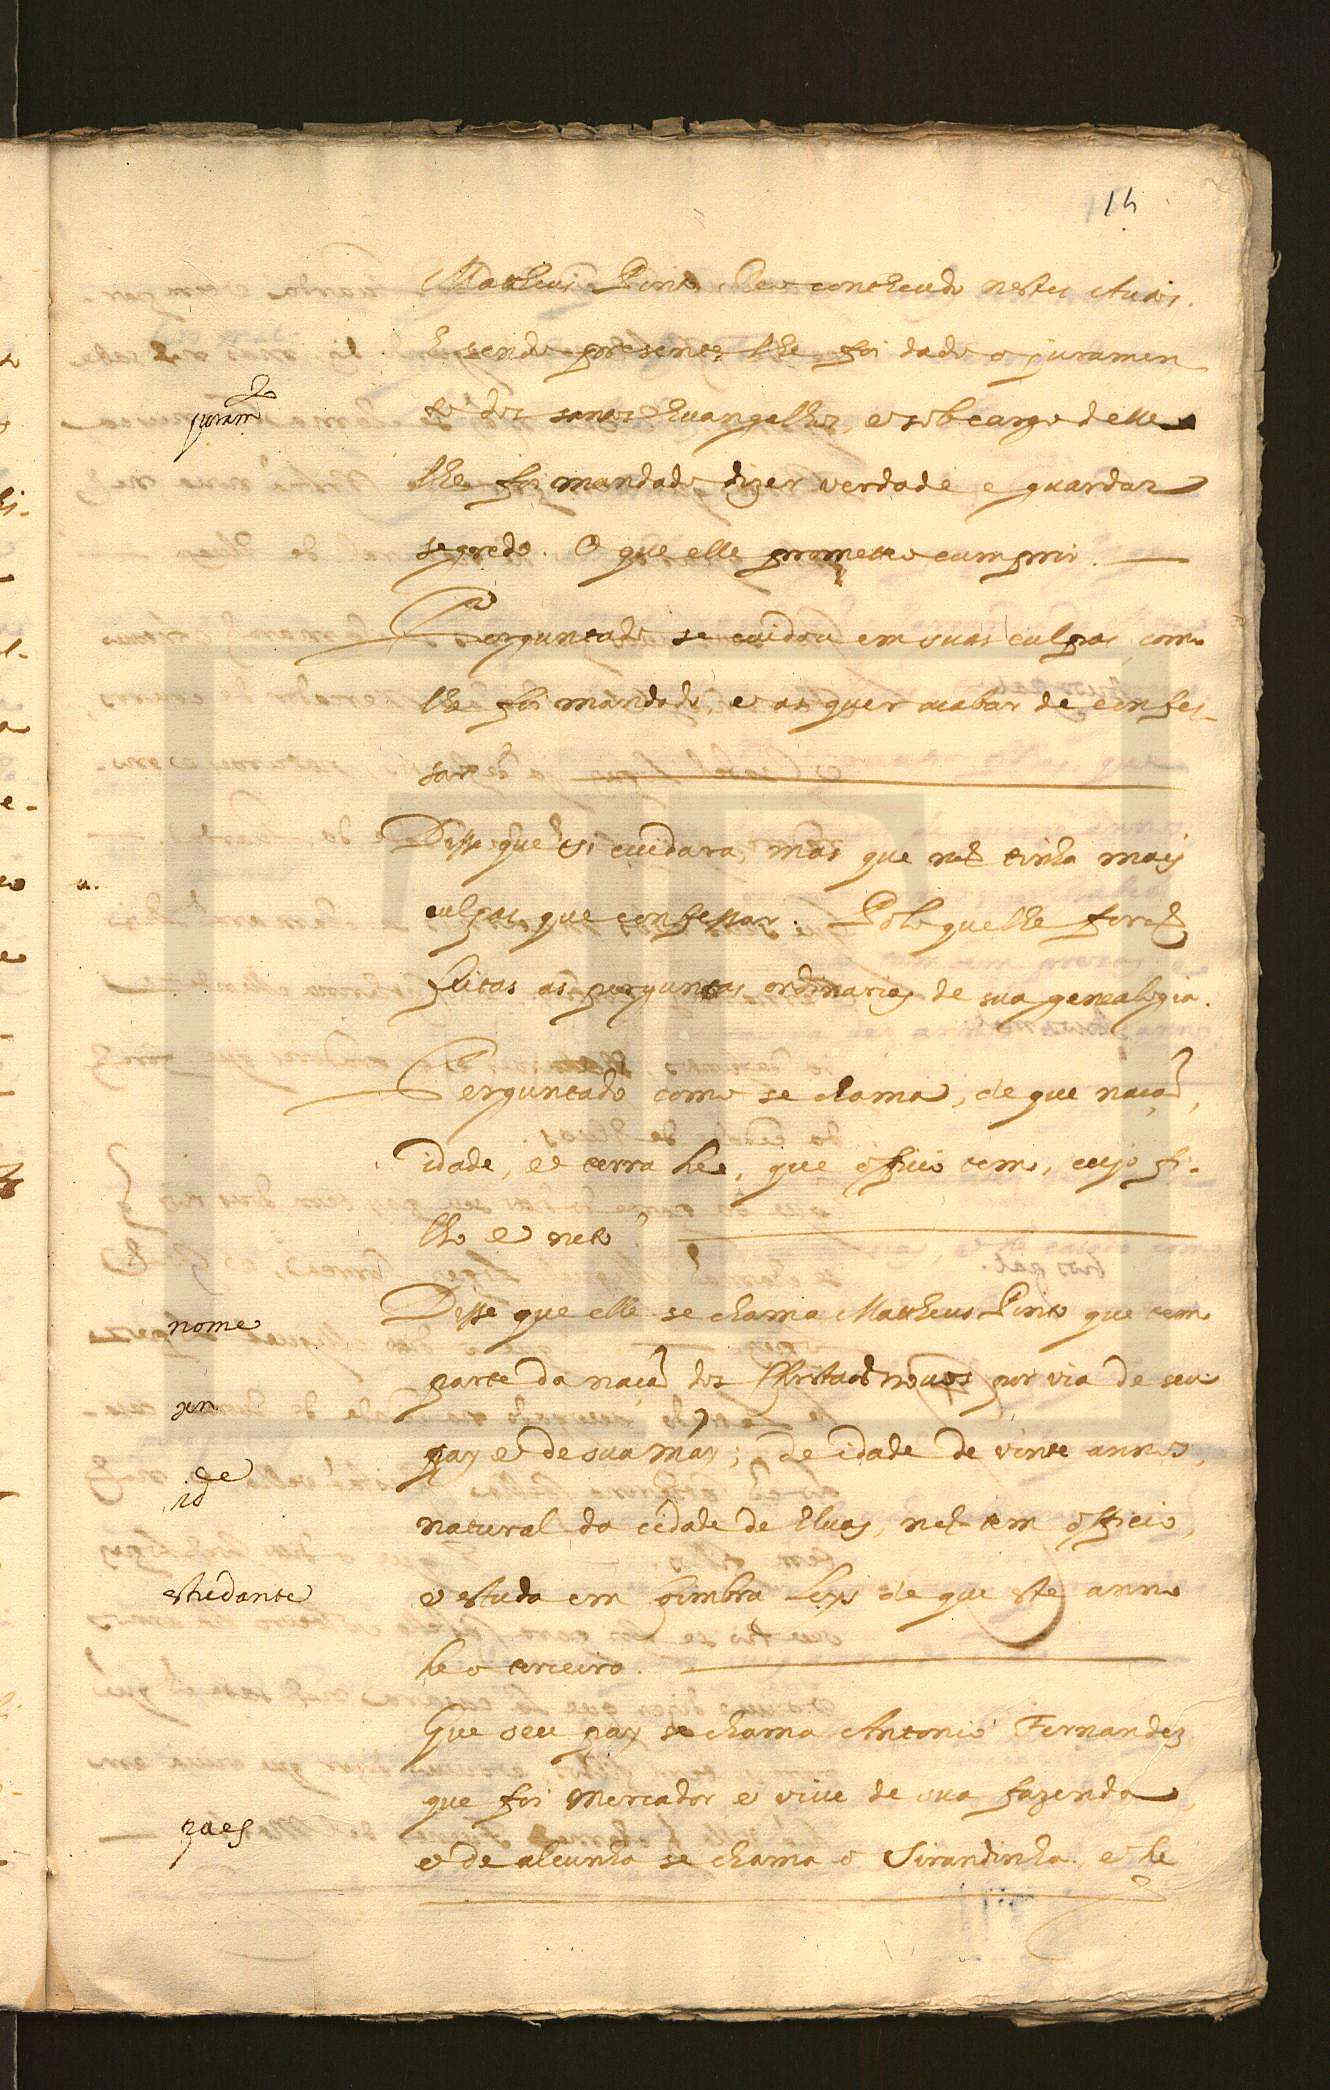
Mattheus Pinto Reo contheudo nestes Autos
E sendo presente lhe foi dado o juramen
to dos santos Euangelhos e sob cargo delle
lhe foi mandado dizer verdade e guardar
segredo. O que elle prometeo cumprir.
Perguntado se cuidou em suas culpas, como
lhe foi mandado, e as quer acabar de confes
sar?
Disse que si cuidara, mas que naõ tinha mais
culpas que confessar. Polo que lhe foraõ
feitas as perguntas ordinarias de sua genealogia.
Perguntado como se chama, de que naçaõ,
idade, e terra he, que officio tem, cujo fi
lho e neto?
Disse que elle se chama Mattheus Pinto que tem
parte da naçaõ dos Christaõs nouos por via de seu
pay e de sua may; de idade de vinte annos,
natural da cidade de Eluas, naõ tem officio,
e estuda em Coimbra Leys de que este anno
he o terceiro.
Que seu pay se chama Antonio Fernandez
que foi mercador e viue de sua fazenda
e de alcunha se chama o Sirandinha. e he
juramto
nome
xn
ide
estudante
paes
